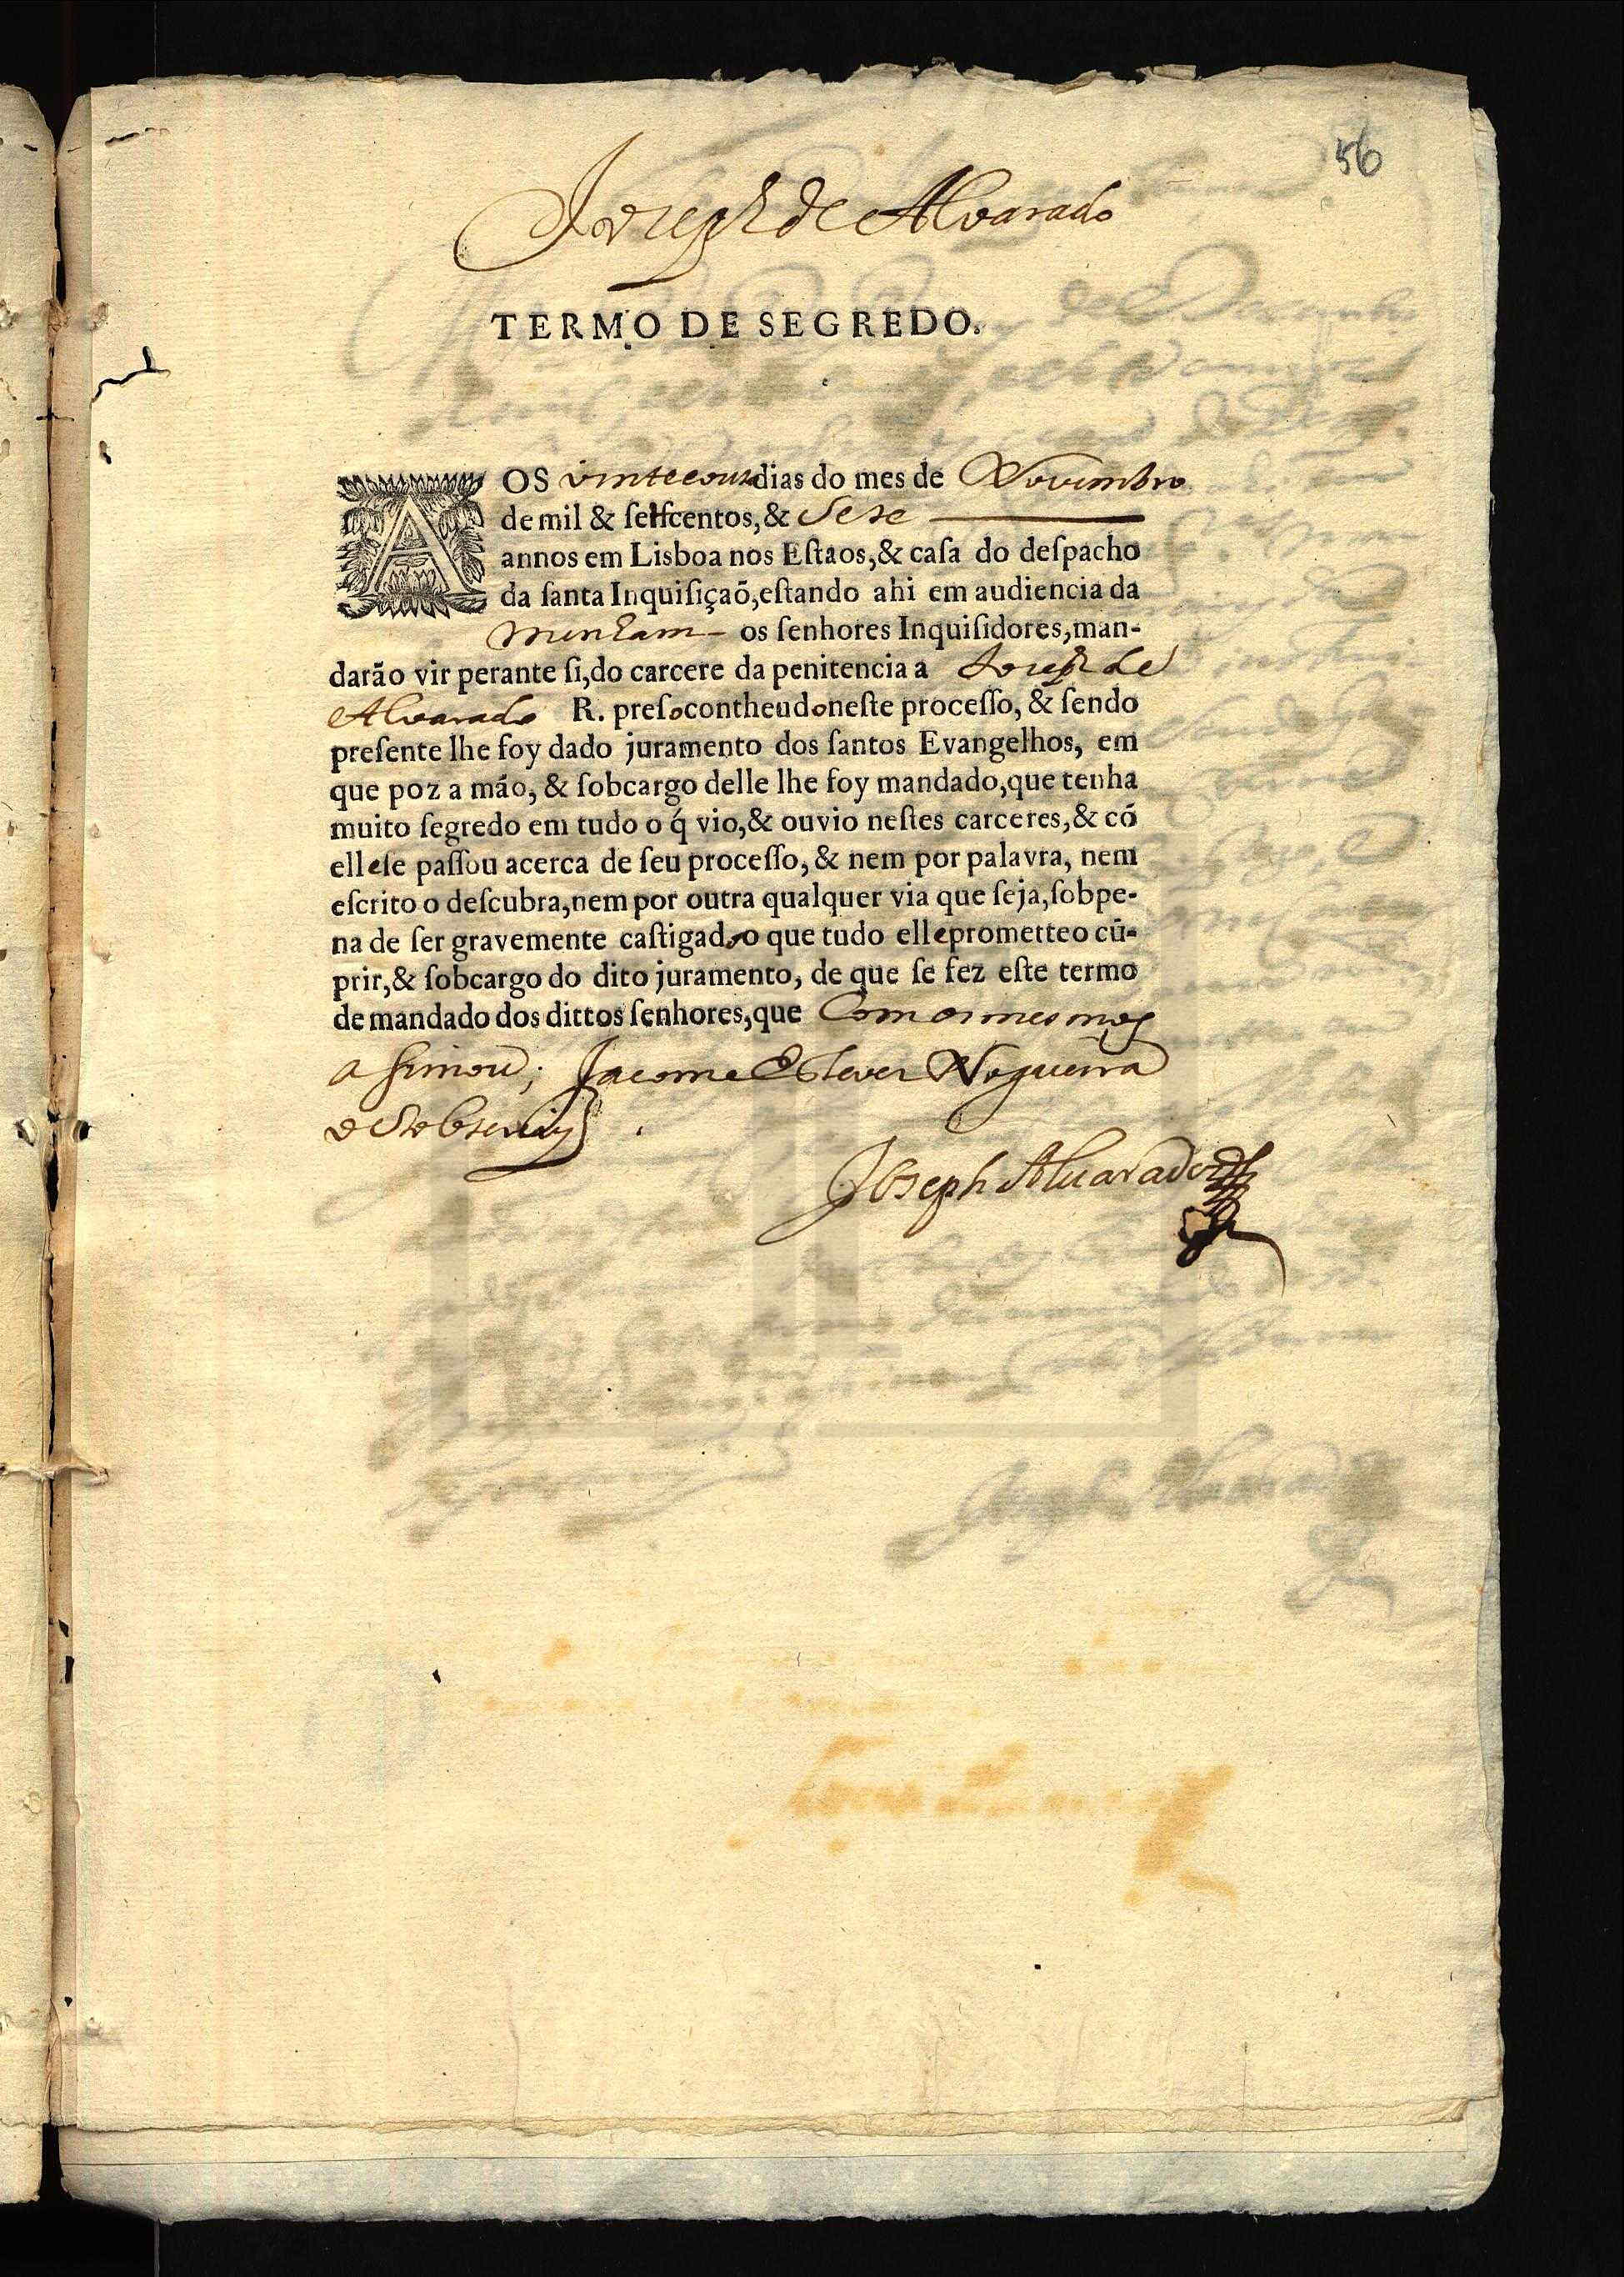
Jozeph de Alvarado
TERMO DE SEGREDO.
Os vinte e outo dias do mes de Novembro
de mil & settecentos, & sete
annos em Lisboa nos Estaos, & casa do despacho,
da santa Inquisiçaõ, estando ahi em audiencia da
Menham- os senhores Inquisidores, man
darão pir perante si, do carcere da penitencia a Iozeph de
Alvarado R. preso conthendo neste processo, & sendo
presente lhe foy dado juramento dos santos Evangelhos, em
que poz a mão, & sob cargo delle lhe foy mandado, que tenha
muito segredo em tudo o q̄ vio, & ouvio nestes carceres, & cō
elle se passou acerca de seu processo, & nem por palavra, nem
escrito o descubra, nem por outra qualquer via que seja, sob pe
na de ser gravemente castigado o que tudo elle prometteo cū
prir, & sob cargo do dito juramento, de que se fez este termo
de mandado dos dittos senhores, que Com os mesmos
assinou; Jacome Esteves Nogueira
o Sobscrevy
Joseph Alvarado
